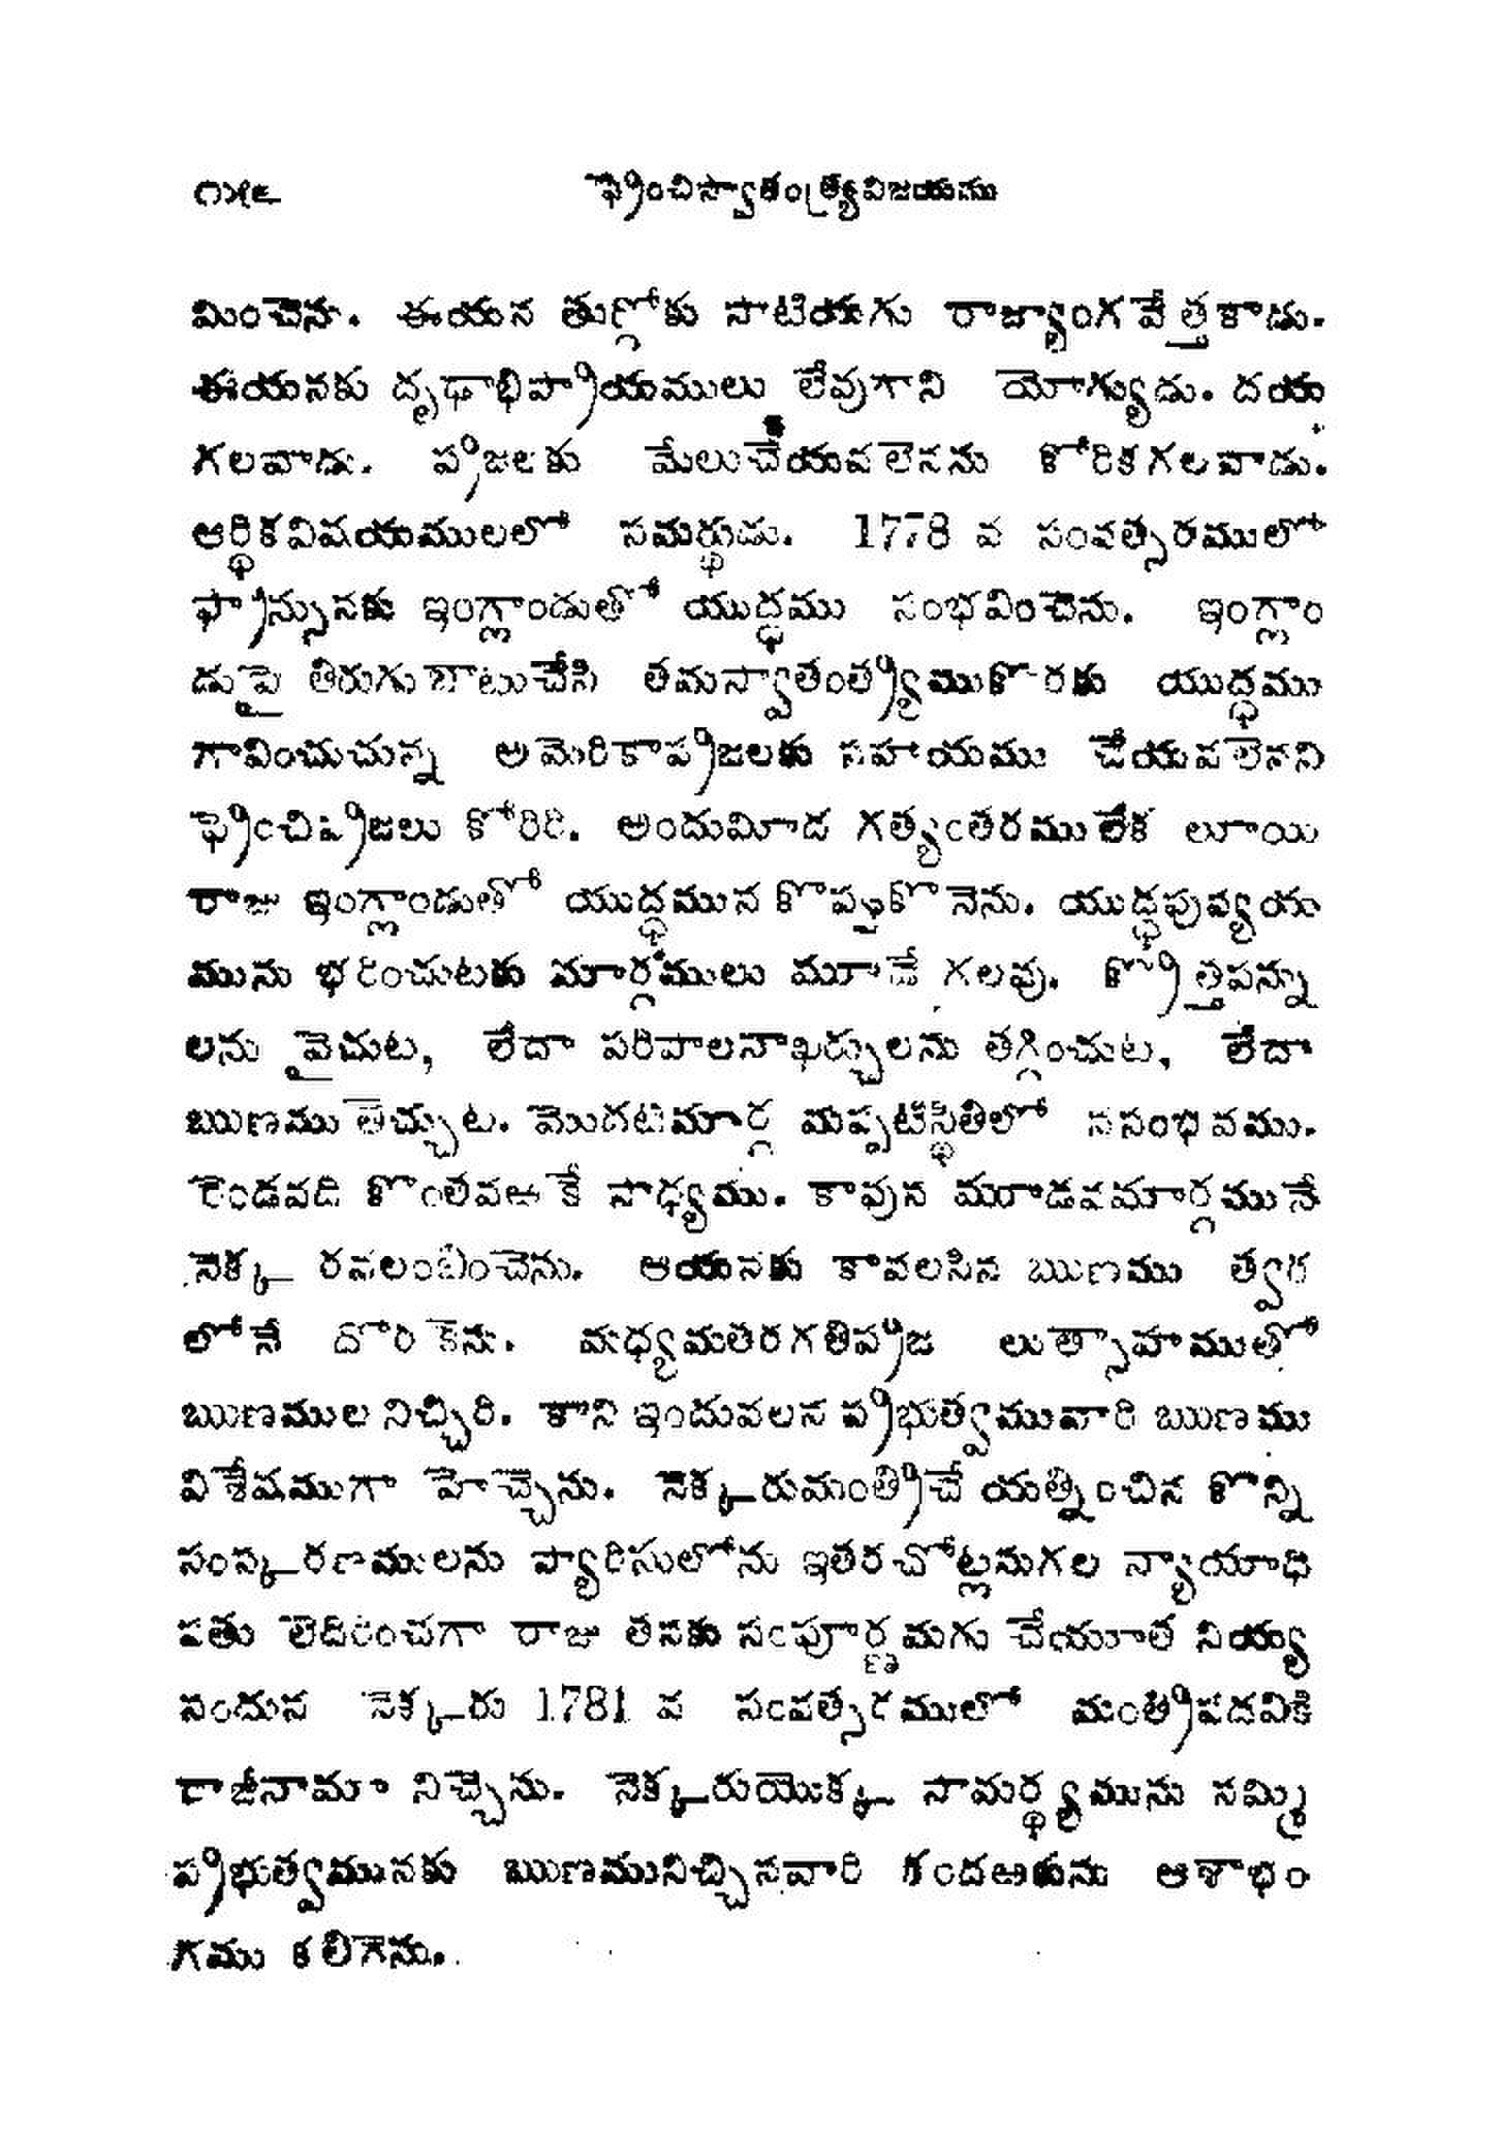రాజు
మించెను. ఈయన తుర్గోకు సాటియగు రాజ్యాంగ వేత్త కాడు.
ఈయనకు దృఢాభిప్రాయములు లేవుగాని యోగ్యుడు. దయ
గలవాడు. ప్రజలకు మేలు చేయవ లెనను కోరిక గలవాడు.
ఆర్థిక విషయములలో సమర్థుడు. 1778 వ సంవత్సరములో
ఫ్రాన్సునకు ఇంగ్లాండులో యుద్ధము సంభవించెను. ఇంగ్లాం
డు పై తిరుగుబాటు చేసి తమస్వాతంత్యము కొరకు యుద్ధము
గావించుచున్న అమెరికా ప్రజలకు సహాయము చేయవలెనని
ఫ్రెంచి మజలు కోరిరి. అందుమీద గత్యంతరము లేక లూయి
ఇంగ్లాండుతో యుద్ధమున కొప్పుకొనెను. యుద్ధపు వ్యయ
ముసు భరించుటకు మార్గములు మూడే గలవు. కొత్తపన్ను
లను వైచుట, లేదా పరిపాలనా ఖర్చులను తగ్గించుట, లేదా
ఋణము తెచ్చుట. మొదటి మార్గ మప్పటి స్థితిలో ససంభవము.
రెండవది. కొంతవరకే సాధ్యము. కావున మూడవ మార్గమునే
నెక్క రవలంబించెను. ఆయనకు కావలసిన ఋణము త్వర
లోనే దొరకెసు. మధ్య మతరగతివ్రజ లుత్సాహముతో
ఋణముల నిచ్చిరి. కాని ఇందువలన ప్రభుత్వమువారీ ఋణము
విశేషముగా హెచ్చెను. నెక్కరు మంతిచే యత్నించిన కొన్ని
సంస్కరణములను ప్యారిసులోను ఇతర చోట్లనుగల న్యాయాధి
ఇతు "లెదిరించగా రాజు తనకు సంపూర్ణమగు చేయూత నియ్య
సందున 'నెక్కరు 1.781 వ సంవత్సరములో మంత్రి పదవికి
రాజీనామా నిచ్చెను. నెక్కరు యొక్క సామర్థ్యమును సమ్మి
ప్రభుత్వమునకు ఋణమునిచ్చినవారి కందరకునుసు ఆశాభం
గము కలిగెను..